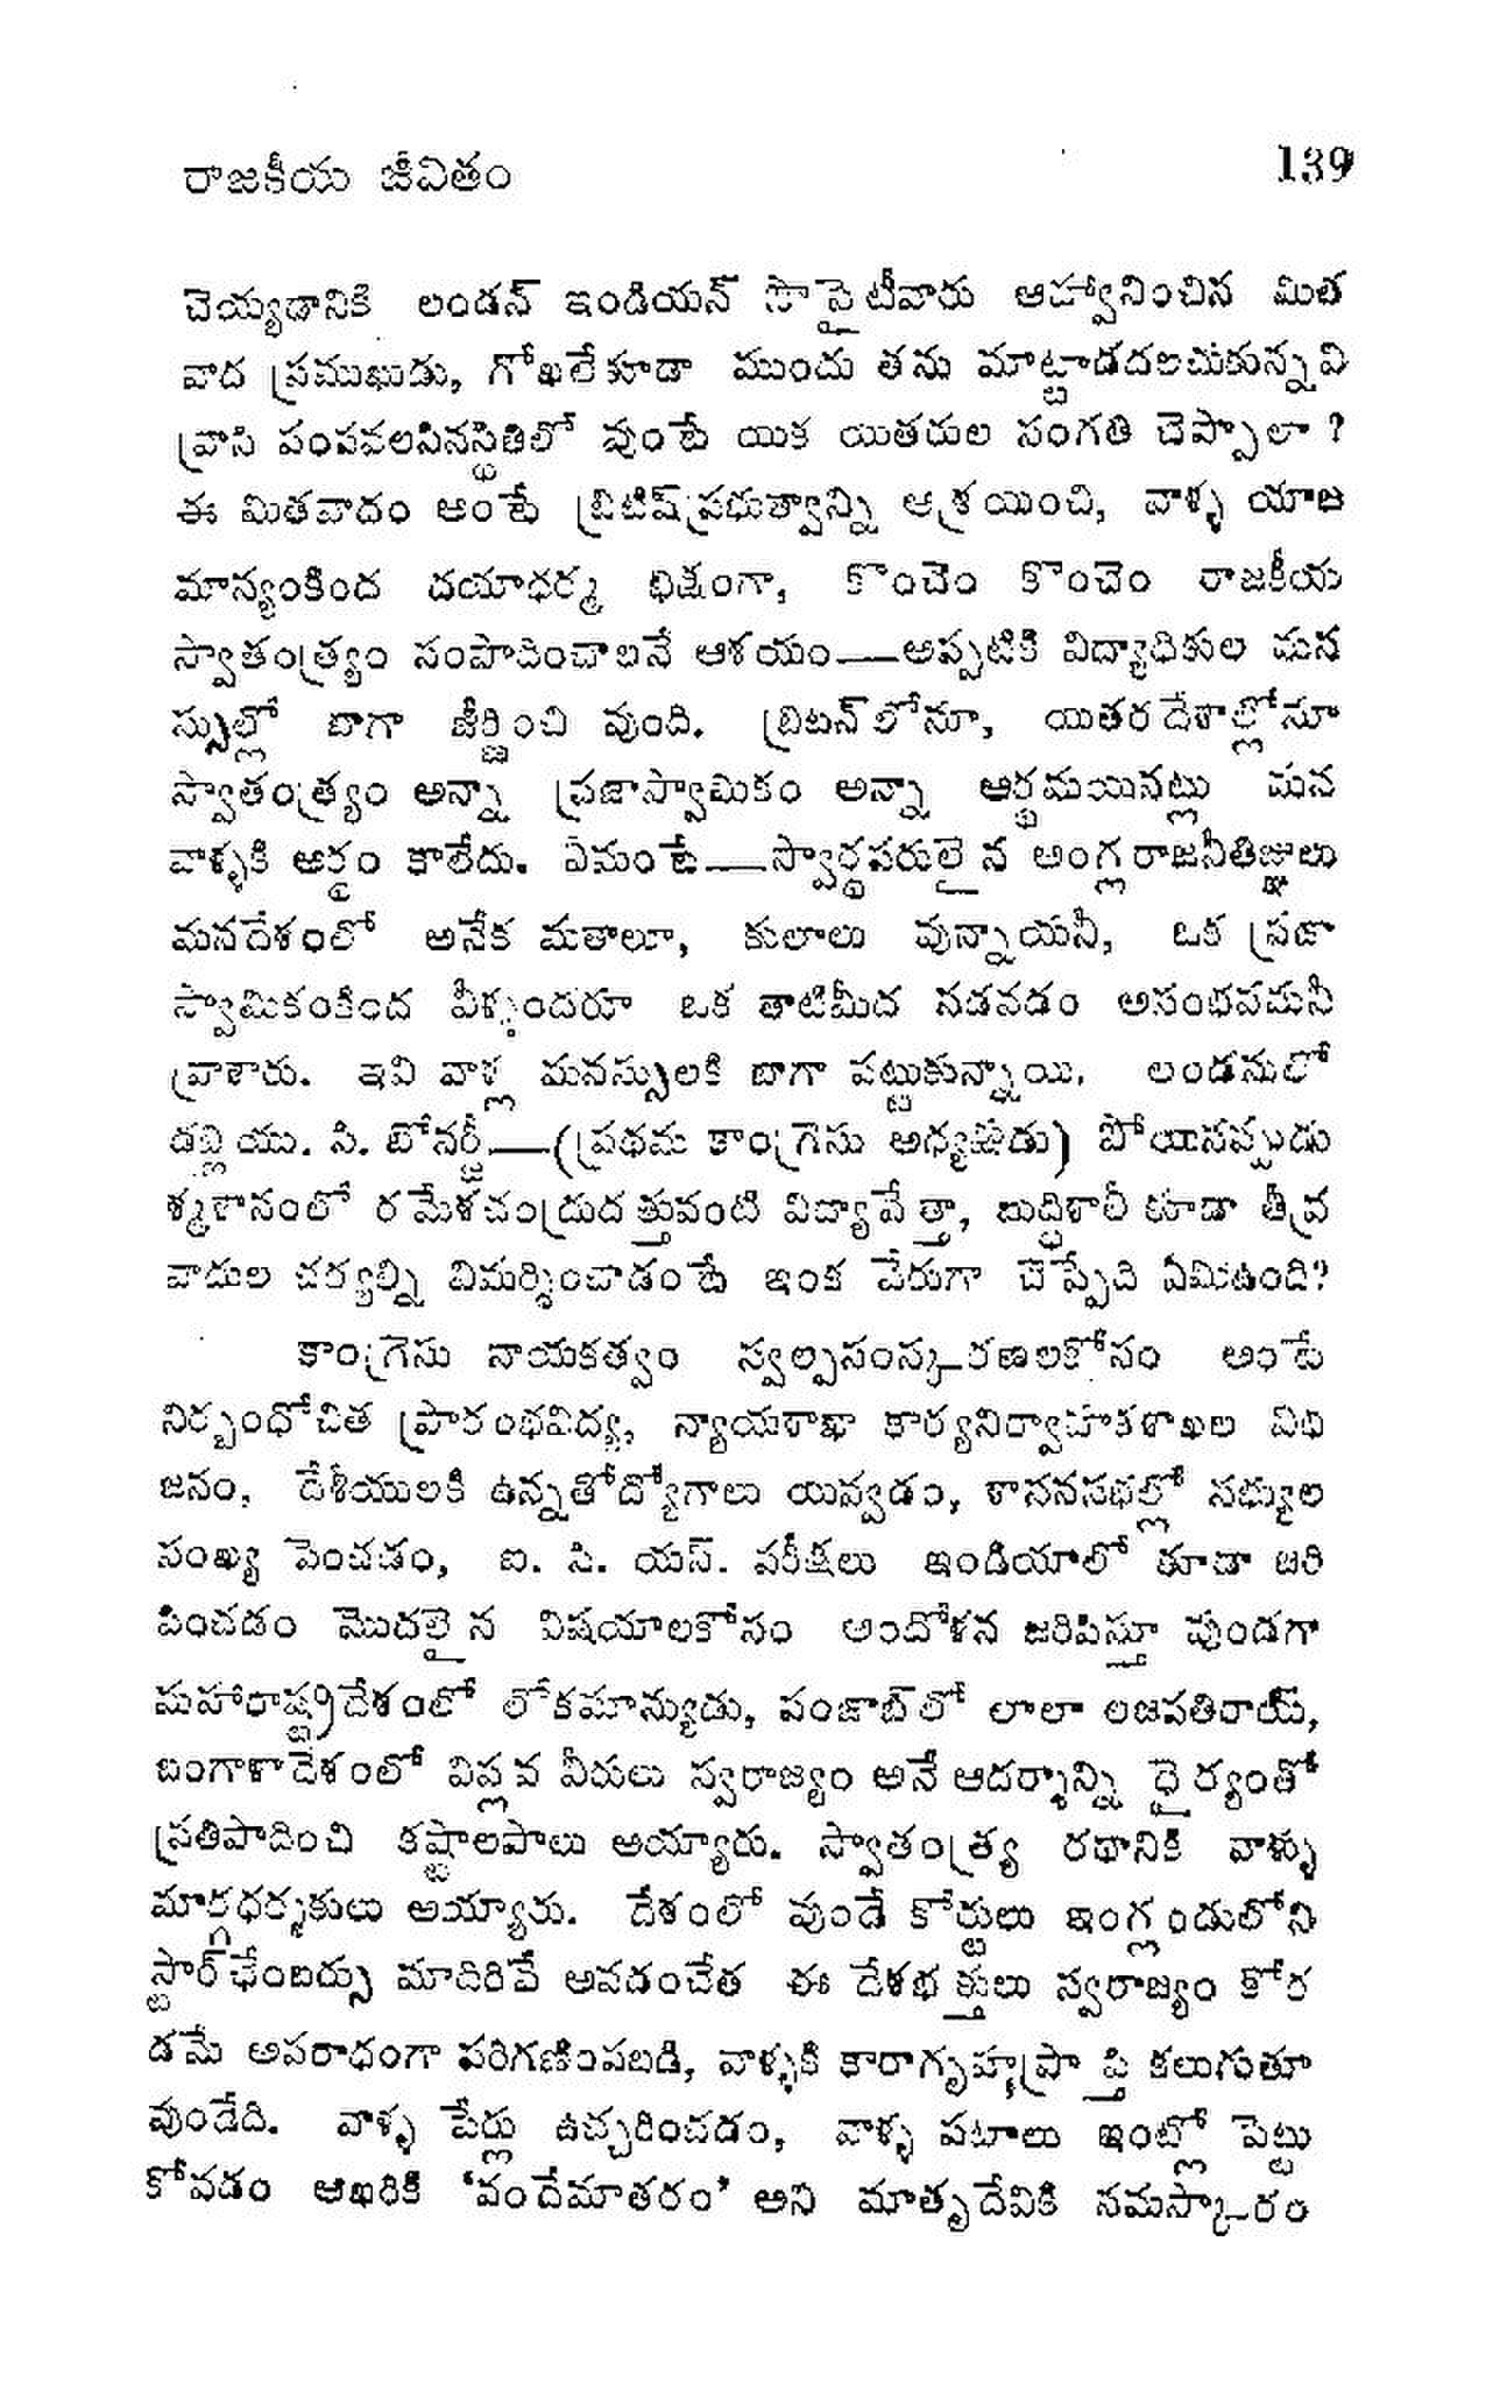చెయ్యడానికి లండన్ ఇండియన్ సొసైటీవారు ఆహ్వానించిన మితవాద ప్రముఖుడు, గోఖలేకూడా ముందు తను మాట్టాడదలచుకున్నవి వ్రాసి పంపవలసినస్థితిలో వుంటే యిక యితరుల సంగతి చెప్పాలా? ఈ మితవాదం అంటే బ్రిటిష్ ప్రభుత్వాన్ని ఆశ్రయించి, వాళ్ళ యాజమాన్యం కింద దయాధర్మ భిక్షంగా, కొంచెం కొంచెం రాజకీయ స్వాతంత్ర్యం సంపాదించాలనే ఆశయం - అప్పటికి విద్యాధికుల మనస్సుల్లో బాగా జీర్ణించి వుంది. బ్రిటన్‌లోనూ, యితర దేశాల్లోనూ స్వాతంత్ర్యం అన్నా ప్రజాస్వామికం అన్నా అర్థమయినట్లు మన వాళ్ళకి అర్థం కాలేదు. ఏమంటే - స్వార్థపరులైన ఆంగ్ల రాజనీతిజ్ఞులు మనదేశంలో అనేక మతాలూ, కులాలు వున్నాయనీ, ఒక ప్రజాస్వామికంకింద వీళ్ళందరూ ఒక తాటిమీద నడవడం అసంభవమనీ వ్రాశారు. ఇవి వాళ్ల మనస్సులకి బాగా పట్టుకున్నాయి. లండనులో డబ్లియు. సి. బోనర్జీ - (ప్రథమ కాంగ్రెసు అధ్యక్షుడు) పోయినప్పుడు శ్మశానంలో రమేశచంద్రుదత్తువంటి విద్యావేత్తా, బుద్ధిశాలీ కూడా తీవ్రవాదుల చర్యల్ని విమర్శించాడంటే ఇంక వేరుగా చెప్పేది ఏమిఉంది?

కాంగ్రెసు నాయకత్వం స్వల్పసంస్కరణలకోసం అంటే నిర్భందోచిత ప్రారంభవిద్య, న్యాయశాఖా కార్యనిర్వాహకశాఖల విభజనం, దేశీయులకి ఉన్నతోద్యోగాలు యివ్వడం, శాసనసభల్లో సభ్యుల సంఖ్య పెంచడం, ఐ. పి. యస్. పరీక్షలు ఇండియాలో కూడా జరిపించడం మొదలైన విషయాలకోసం ఆందోళన జరిపిస్తూ వుండగా మహారాష్ట్రదేశంలో లోకమాన్యుడు, పంజాబ్‌లో లాలా లజపతిరాయ్, బంగాళాదేశంలో విప్లవ వీరులు స్వరాజ్యం అనే ఆదర్శాన్ని ధైర్యంతో ప్రతిపాదించి కష్టాలపాలు అయ్యారు. స్వాతంత్ర్య రథానికి వాళ్ళు మార్గదర్శకులు అయ్యారు. దేశంలో వుండే కోర్టులు ఇంగ్లండులోని స్టార్‌ఛేంబర్సు మాదిరివే అవడంచేత ఈ దేశభక్తులు స్వరాజ్యం కోరడమే అపరాధంగా పరిగణింపబడి, వాళ్ళకి కారాగృహప్రాప్తి కలుగుతూ వుండేది. వాళ్ళ పేర్లు ఉచ్చరించడం, వాళ్ళ పటాలు ఇంట్లో పెట్టుకోవడం ఆఖరికి 'వందేమాతరం' అని మాతృదేవికి నమస్కారం